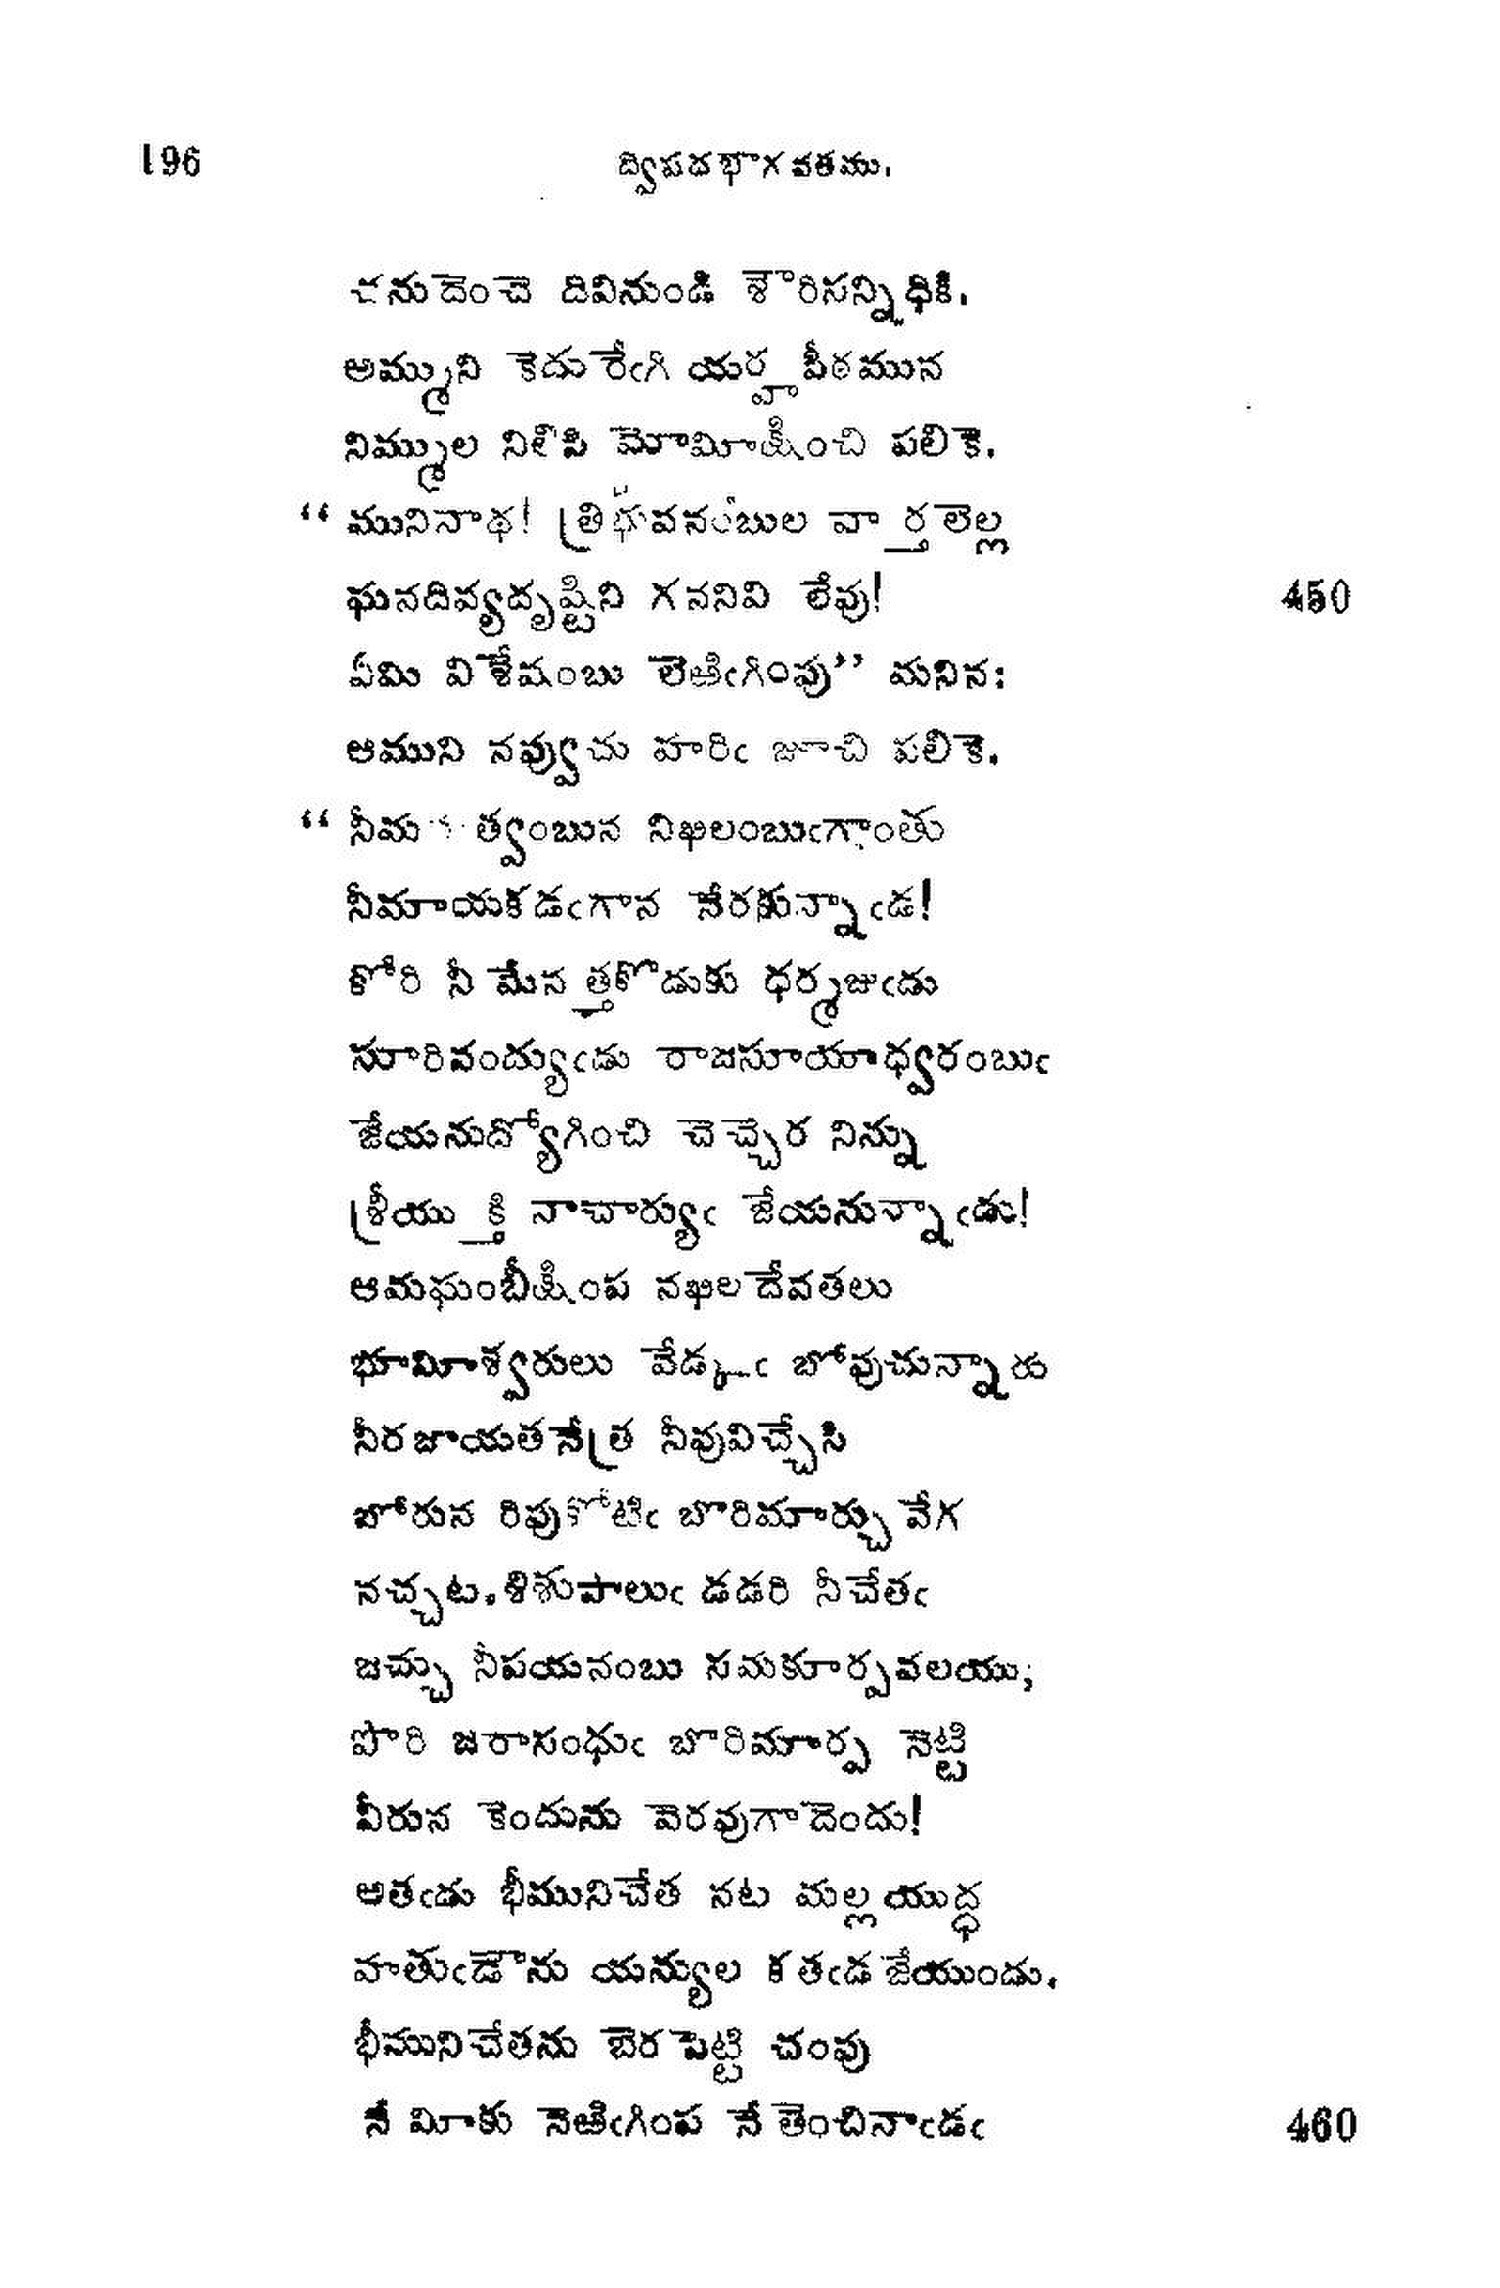చనుదెంచె దివినుండి శౌరిసన్నిధికి. 
అమ్ముని కెదురేఁగి యర్హపీఠమున
నిమ్ముల నిలిపి మోమీక్షించి పలికె. 
“మునినాథ! త్రిభువనంబుల వార్తలెల్ల
ఘనదివ్యదృష్ఠిని గననివిలేవు!
ఏమి విశేషంబు లెఱిగింపు” మనిన
ఆముని నవ్వుచు హరిఁ జూచి పలికె. 
“నీమహత్వంబున నిఖిలంబుఁగాంతు
నీమాయకడఁగాన నేరకున్నాఁడ! 
కోరి నీ మేనత్తకొడుకు ధర్మజుఁడు
సూరివంద్యుఁడు రాజసూయాధ్వరంబుఁ
జేయనుద్యోగించి చెచ్చెర నిన్ను 
శ్రీయుక్తి నాచార్యుఁ జేయనున్నాఁడు! 
ఆమఘంబీక్షింప నఖిలదేవతలు
భూమీశ్వరులు వేడ్కఁ బోవుచున్నారు
నీరజాయతనేత్ర నీవువిచ్చేసి
బోరున రిపుకోటిఁ బొరిమార్చు వేగ
నచ్చట, శిశుపాలు డడరి నీచేత
జచ్చు నీపయనంబు సమకూర్పవలయు; 
పొరి జరాసంధుఁ నుబొరిమార్ప నెట్టి
వీరున కెందును వెరవుగాదెందు! 
అతఁడు భీమునిచేత నట మల్లయుద్ధ
హతుఁడౌను యన్యుల కతఁడజేయుండు. 
భీమునిచేతను బెరపెట్టి చంపు
నే మీకు నెఱిఁగింప నేతెంచినాఁడఁ